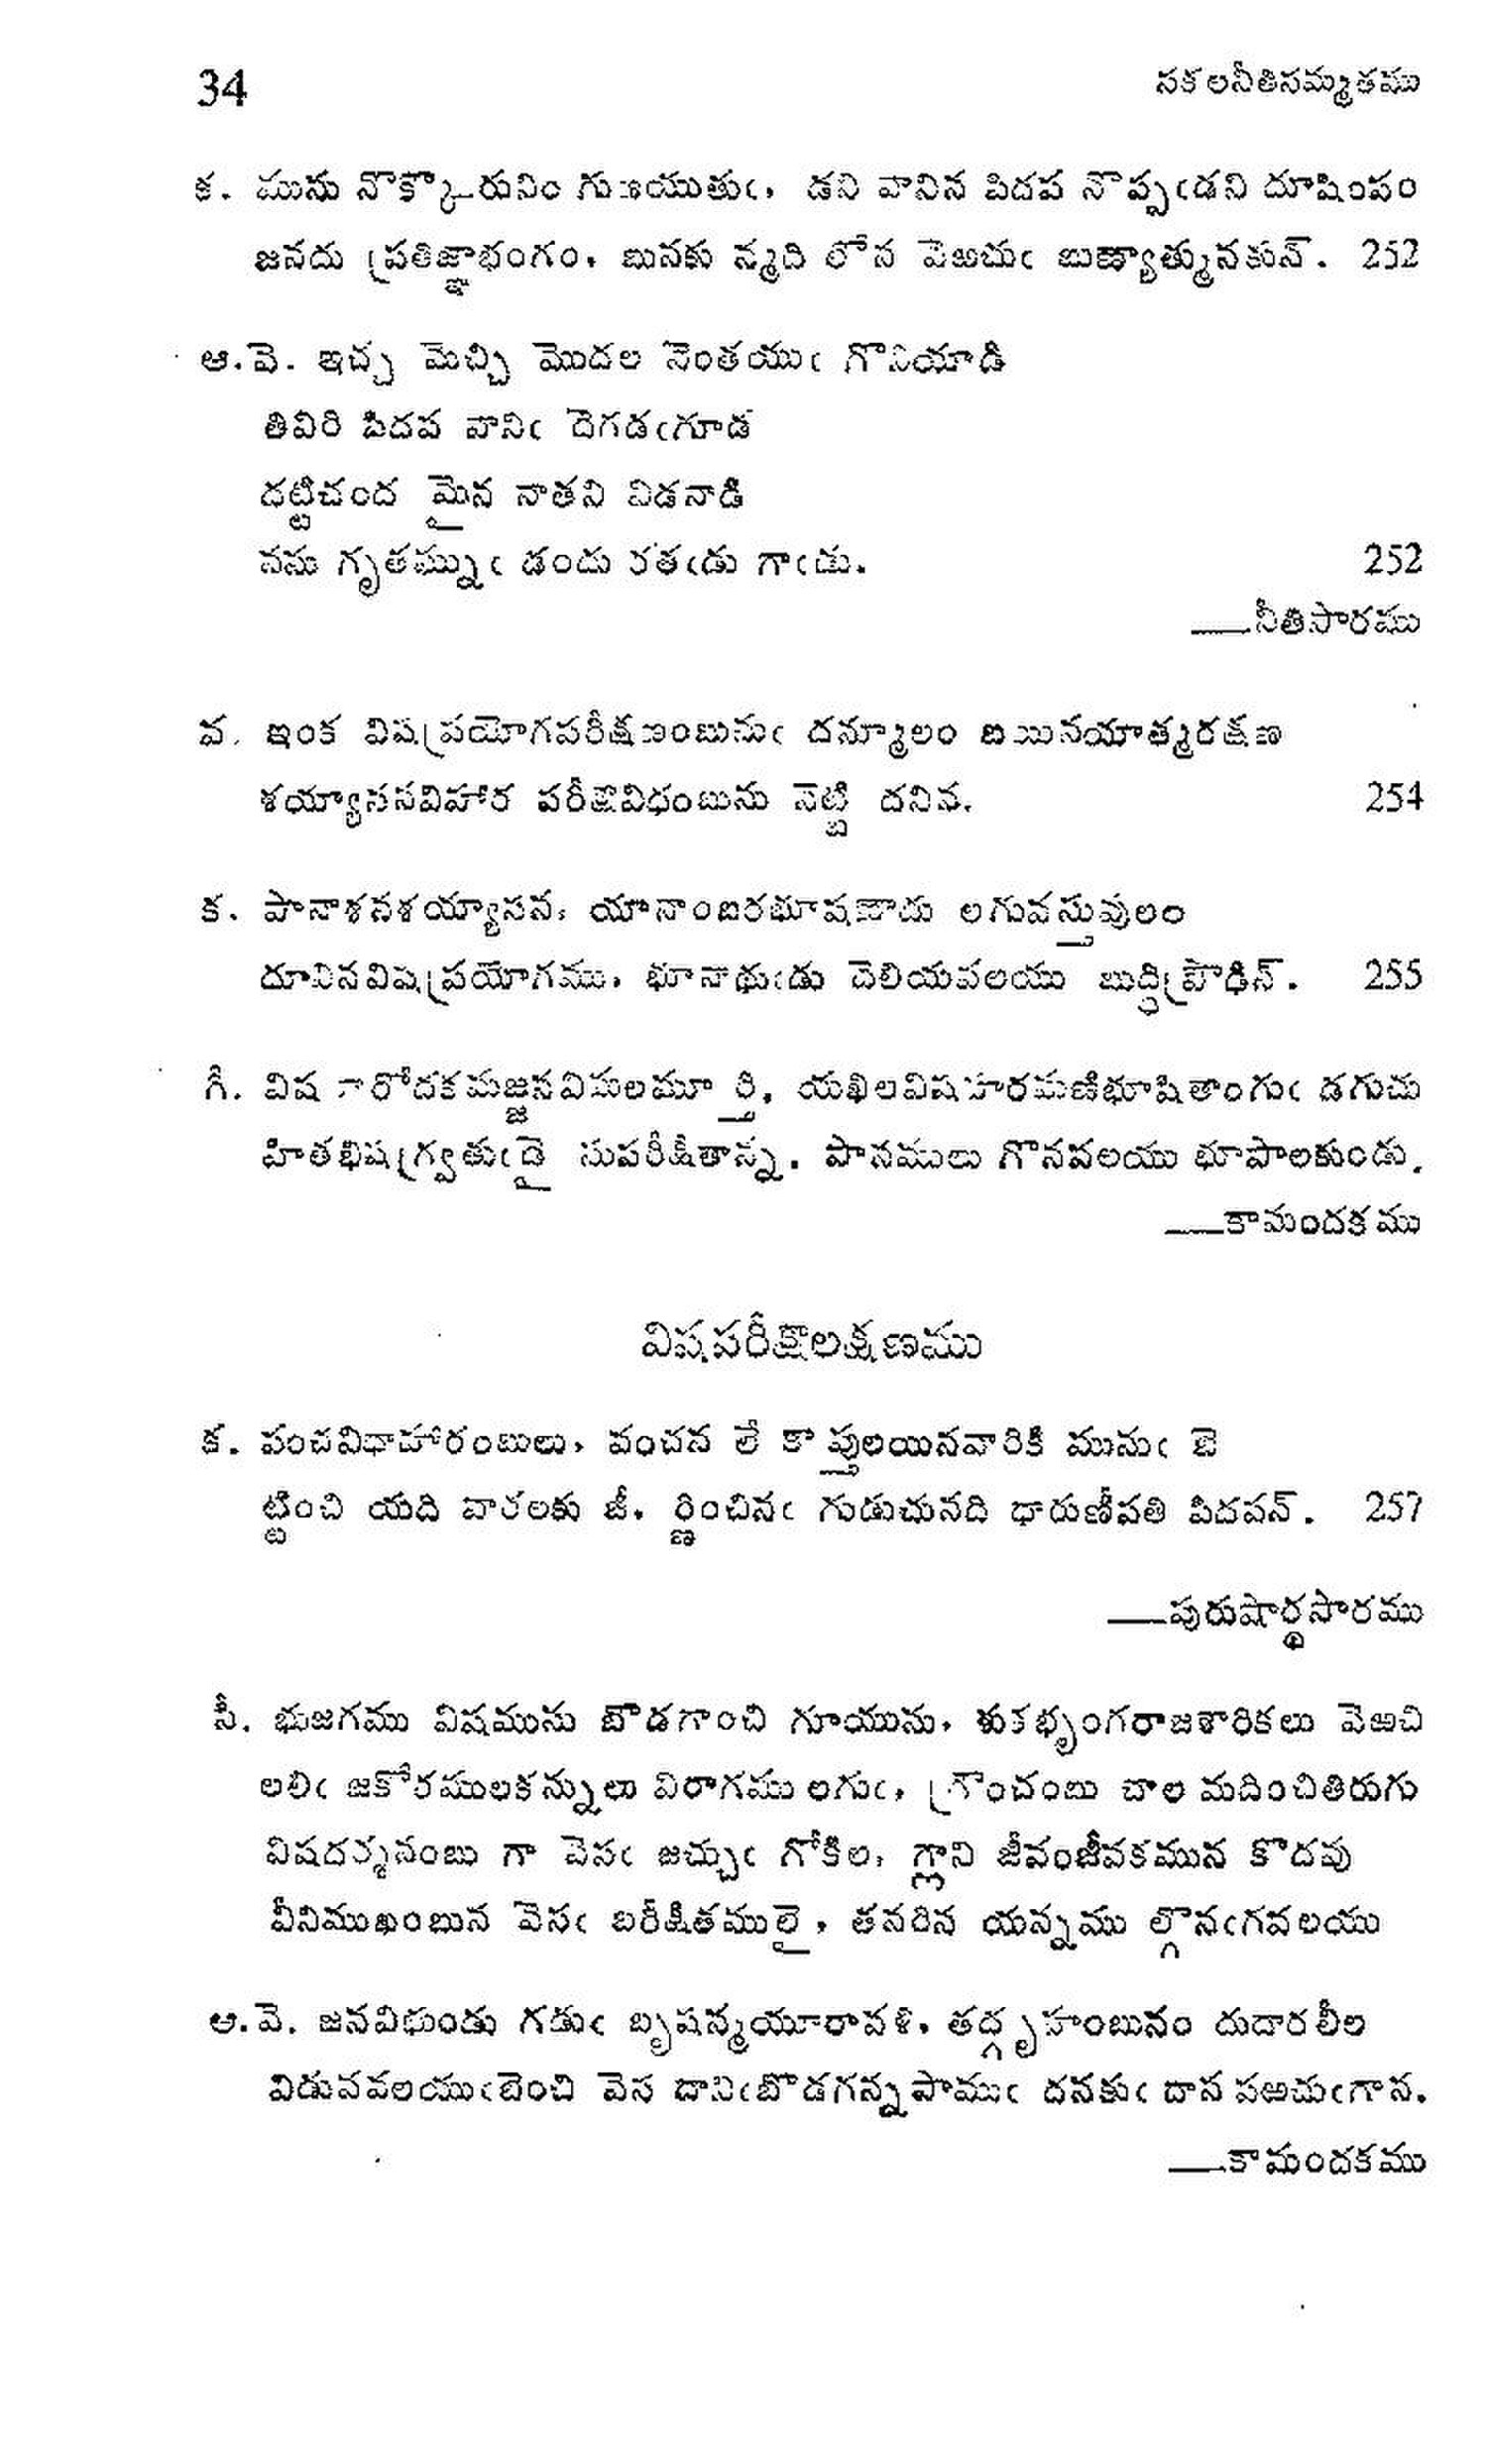క. మును నొక్కొరునిం గుణయుతుఁ
డని వానిన పిదప నొప్పఁడని దూషింపన్
జనదు ప్రతిజ్ఞాభంగం
బునకు న్మదిలోన వెఱచుఁ బుణ్యాత్మునకున్. 252

ఆ. ఇచ్చ మెచ్చి మొదల నెంతయుఁ గొనయాడి
తివిరి పిదప వానిఁ దెగడఁగూడ
దట్టిచంద మైన నాతని విడనాడి
నను గృతఘ్నుఁ డందు రతఁడు గాఁడు. 253

వ. ఇంక విషప్రయోగపరీక్షణంబునుఁ దన్మూలం బయిన యాత్మరక్షణ శయ్యాసనవిహార పరీక్షావిధానంబును నెట్టి దనిన. 254

క. పానాశనశయ్యాసన
యానాంబరభూషణాదు లగు వస్తువులం
దూనిన విషప్రయోగము
భూనాథుఁడు దెలియవలయు బుద్ధిప్రౌఢిన్. 255

గీ. విషహరోదకమజ్జనవిమలమూర్తి
యఖిలవిషహరమణిభూషితాంగుఁ డగుచు
హితభిషగ్వ్రతుఁడై సుపరీక్షితాన్న
పానములు గొనవలయు భూపాలకుండు. 256

క. పంచవిధాహారంబులు
వంచన లే కాప్తులయినవారికి మునుఁ బె
ట్టించి యది వారలకు జీ
ర్ణించినఁ గుడుచునది ధారుణీపతి పిదపన్. 257

సీ. భుజగము విషమును బొడగాంచి గూయును
శుకభృంగరాజశారికలు వెఱచి
లలిణ జకోరముల కన్నులు విరాగము లగుఁ
గ్రౌంచంబు చాల మదించి తిరుగు
విషదర్శనంబుగా వెసఁ జచ్చుఁ గోకిల
గ్లాని జీవంజీవకమున కొదవు
వీనిముఖంబున వెసఁ బరీక్షితములై
తనరిన యన్నము ల్గొనఁగవలయు
ఆ. జనవిభుండు గడుఁ బృషన్మయూరావళి
తద్గృహంబునం దుదారలీల
విడువవలయుఁ బెంచి వెస దానిఁ బొడ
గన్నపాముఁ దనకుఁ దాన పఱచుఁ గాన. 258